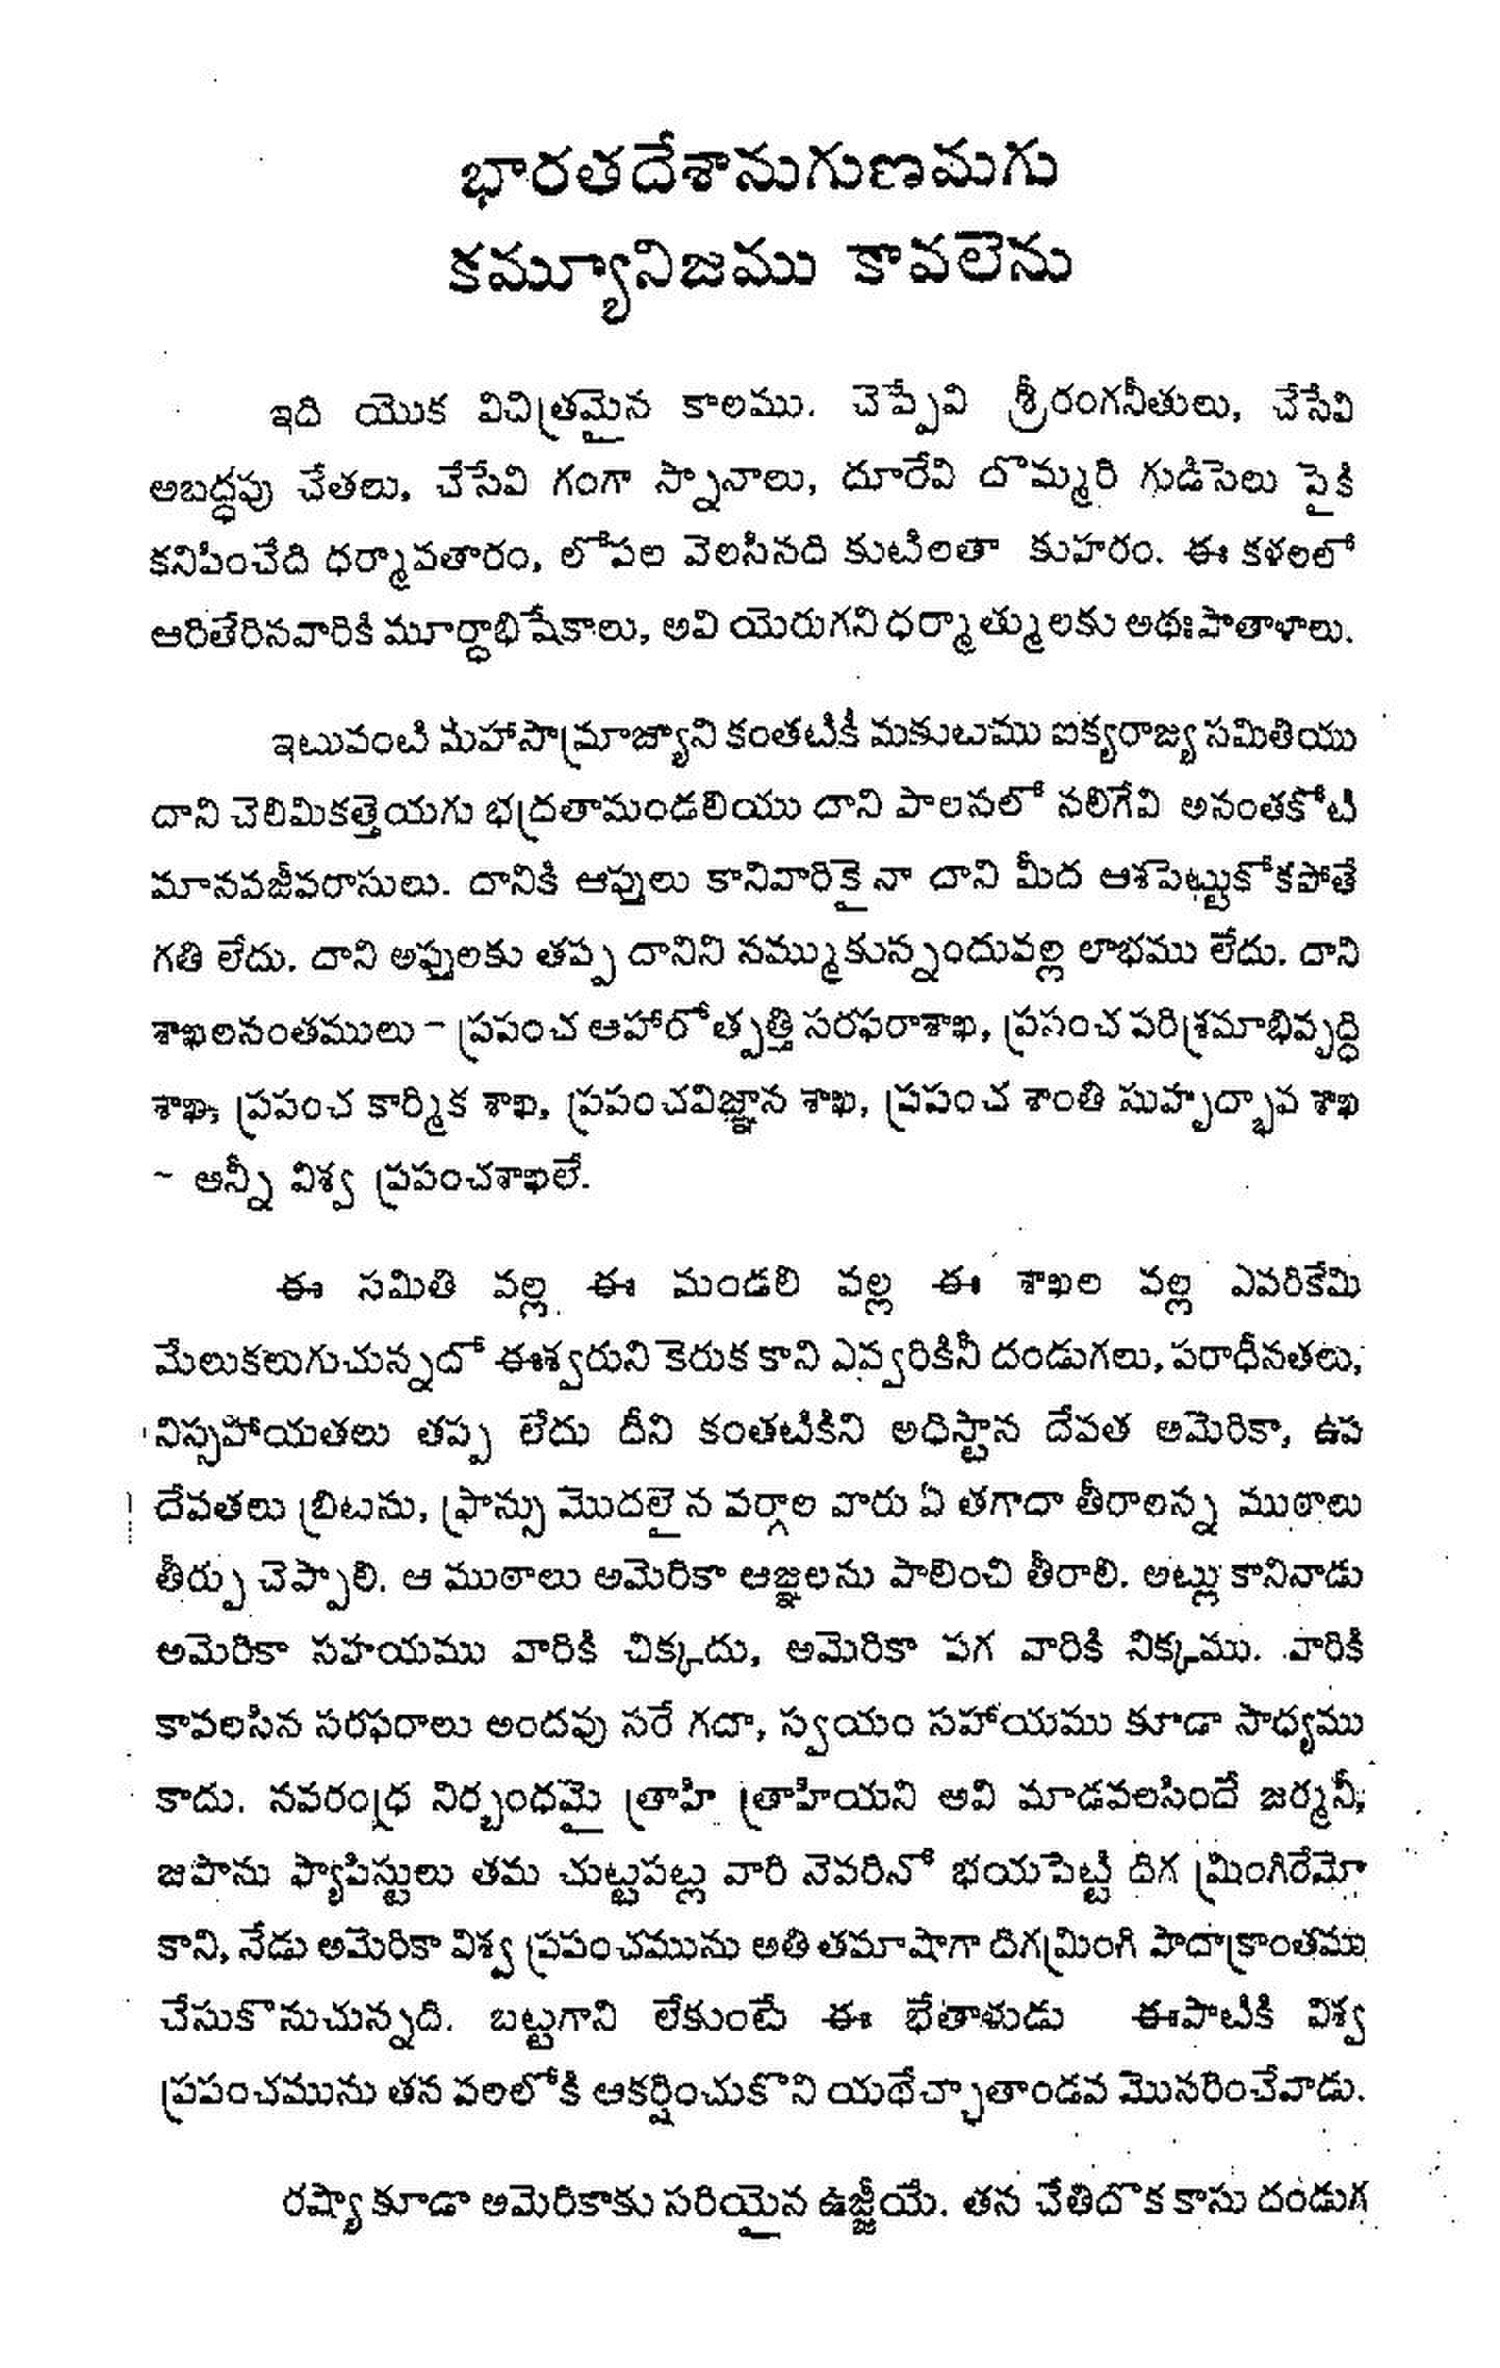భారతదేశానుగుణమగు కమ్యూనిజము కావలెను
 
ఇది యొక విచిత్రమైన కాలము. చెప్పేవి శ్రీరంగనీతులు, చేసేవి అబద్ధపు చేతలు, చేసేవి గంగా స్నానాలు, దూరేవి దొమ్మరి గుడిసెలు పైకి కనిపించేది ధర్మావతారం, లోపల వెలసినది కుటిలతా కుహరం. ఈ కళలలో ఆరితేరినవారికి మూర్ధాభిషేకాలు, అవి యెరుగనిధర్మాత్ములకు అథఃపాతాళాలు.

ఇటువంటి మహాసామ్రాజ్యాని కంతటికీ మకుటం ఐక్యరాజ్య సమితియు దాని చెలిమికత్తెయగు భద్రతామండలియు దాని పాలనలో నలిగేవి అనంతకోటి మానవజీవరాసులు. దానికి ఆప్తులు కానివారికైనా దాని మీద ఆశపెట్టుకోకపొతే గతి లేదు. దాని ఆప్తులకు తప్ప దానిని నమ్ముకున్నందువల్ల లాభము లేదు. దాని శాఖలనంతములు - ప్రపంచ ఆహారోత్పత్తి సరఫరాశాఖ, ప్రపంచ పరిశ్రమాభివృద్ధిశాఖ, ప్రపంచ కార్మిక శాఖ, ప్రపంచవిజ్ఞాన శాఖ, ప్రపంచ శాంతి సుహృద్భావశాఖ - అన్నీ విశ్వ ప్రపంచశాఖలే.

ఈ సమితి వల్ల ఈ మండలి వల్ల ఈ శాఖల వల్ల ఎవరికేమి మేలుకలుగుచున్నదో ఈశ్వరునికెరుకకాని ఎవ్వరికినీ దండుగలు, పరాధీనతలు, నిస్సహాయతలు తప్ప లేదు దీని కంతటికిని అధిష్టాన దేవత అమెరికా, ఉప దేవతలు బ్రిటను, ఫ్రాన్సు మొదలైన వర్గాల వారు ఏ తగాదా తీరాలన్న ముఠాలు తీర్పు చెప్పాలి ఆ ముఠాలు అమెరికా ఆజ్ఞలను పాలించి తీరాలి. అట్లు కానినాడు అమెరికా సహాయము వారికి చిక్కదు. అమెరికా పగ వారికి నిక్కము. వారికి కావలసిన సరఫరాలు అందవు సరే గదా, స్యయం సహాయము కూడా సాధ్యముకాదు. నవరంధ్ర నిర్బంధమై త్రాహి త్రాహియని అవి చూడవలసిందే జర్ననీ, జపాను ప్యాపిస్టులు తమ చుట్టుపట్ల వారి నెవరినో భయపెట్టి దిగ మ్రింగిరేమో కాని, నేడు అమెరికా విశ్వ ప్రపంచమును అతి తమాషాగా దిగమ్రింగి పాదాక్రాంతము చేసుకొనుచున్నది. బట్టగాని లెకుంటే ఈ భేతాళుడు ఈపాటికి విశ్వప్రపంచమును తన వలలోకి ఆకర్షించుకొని యధేచ్చాతాండవ మొనరించేవాడు.

రష్యా కూడా అమెరికాకు సరియైన ఉజ్జీయే. తన చేతిదొకకాసు దండుగ